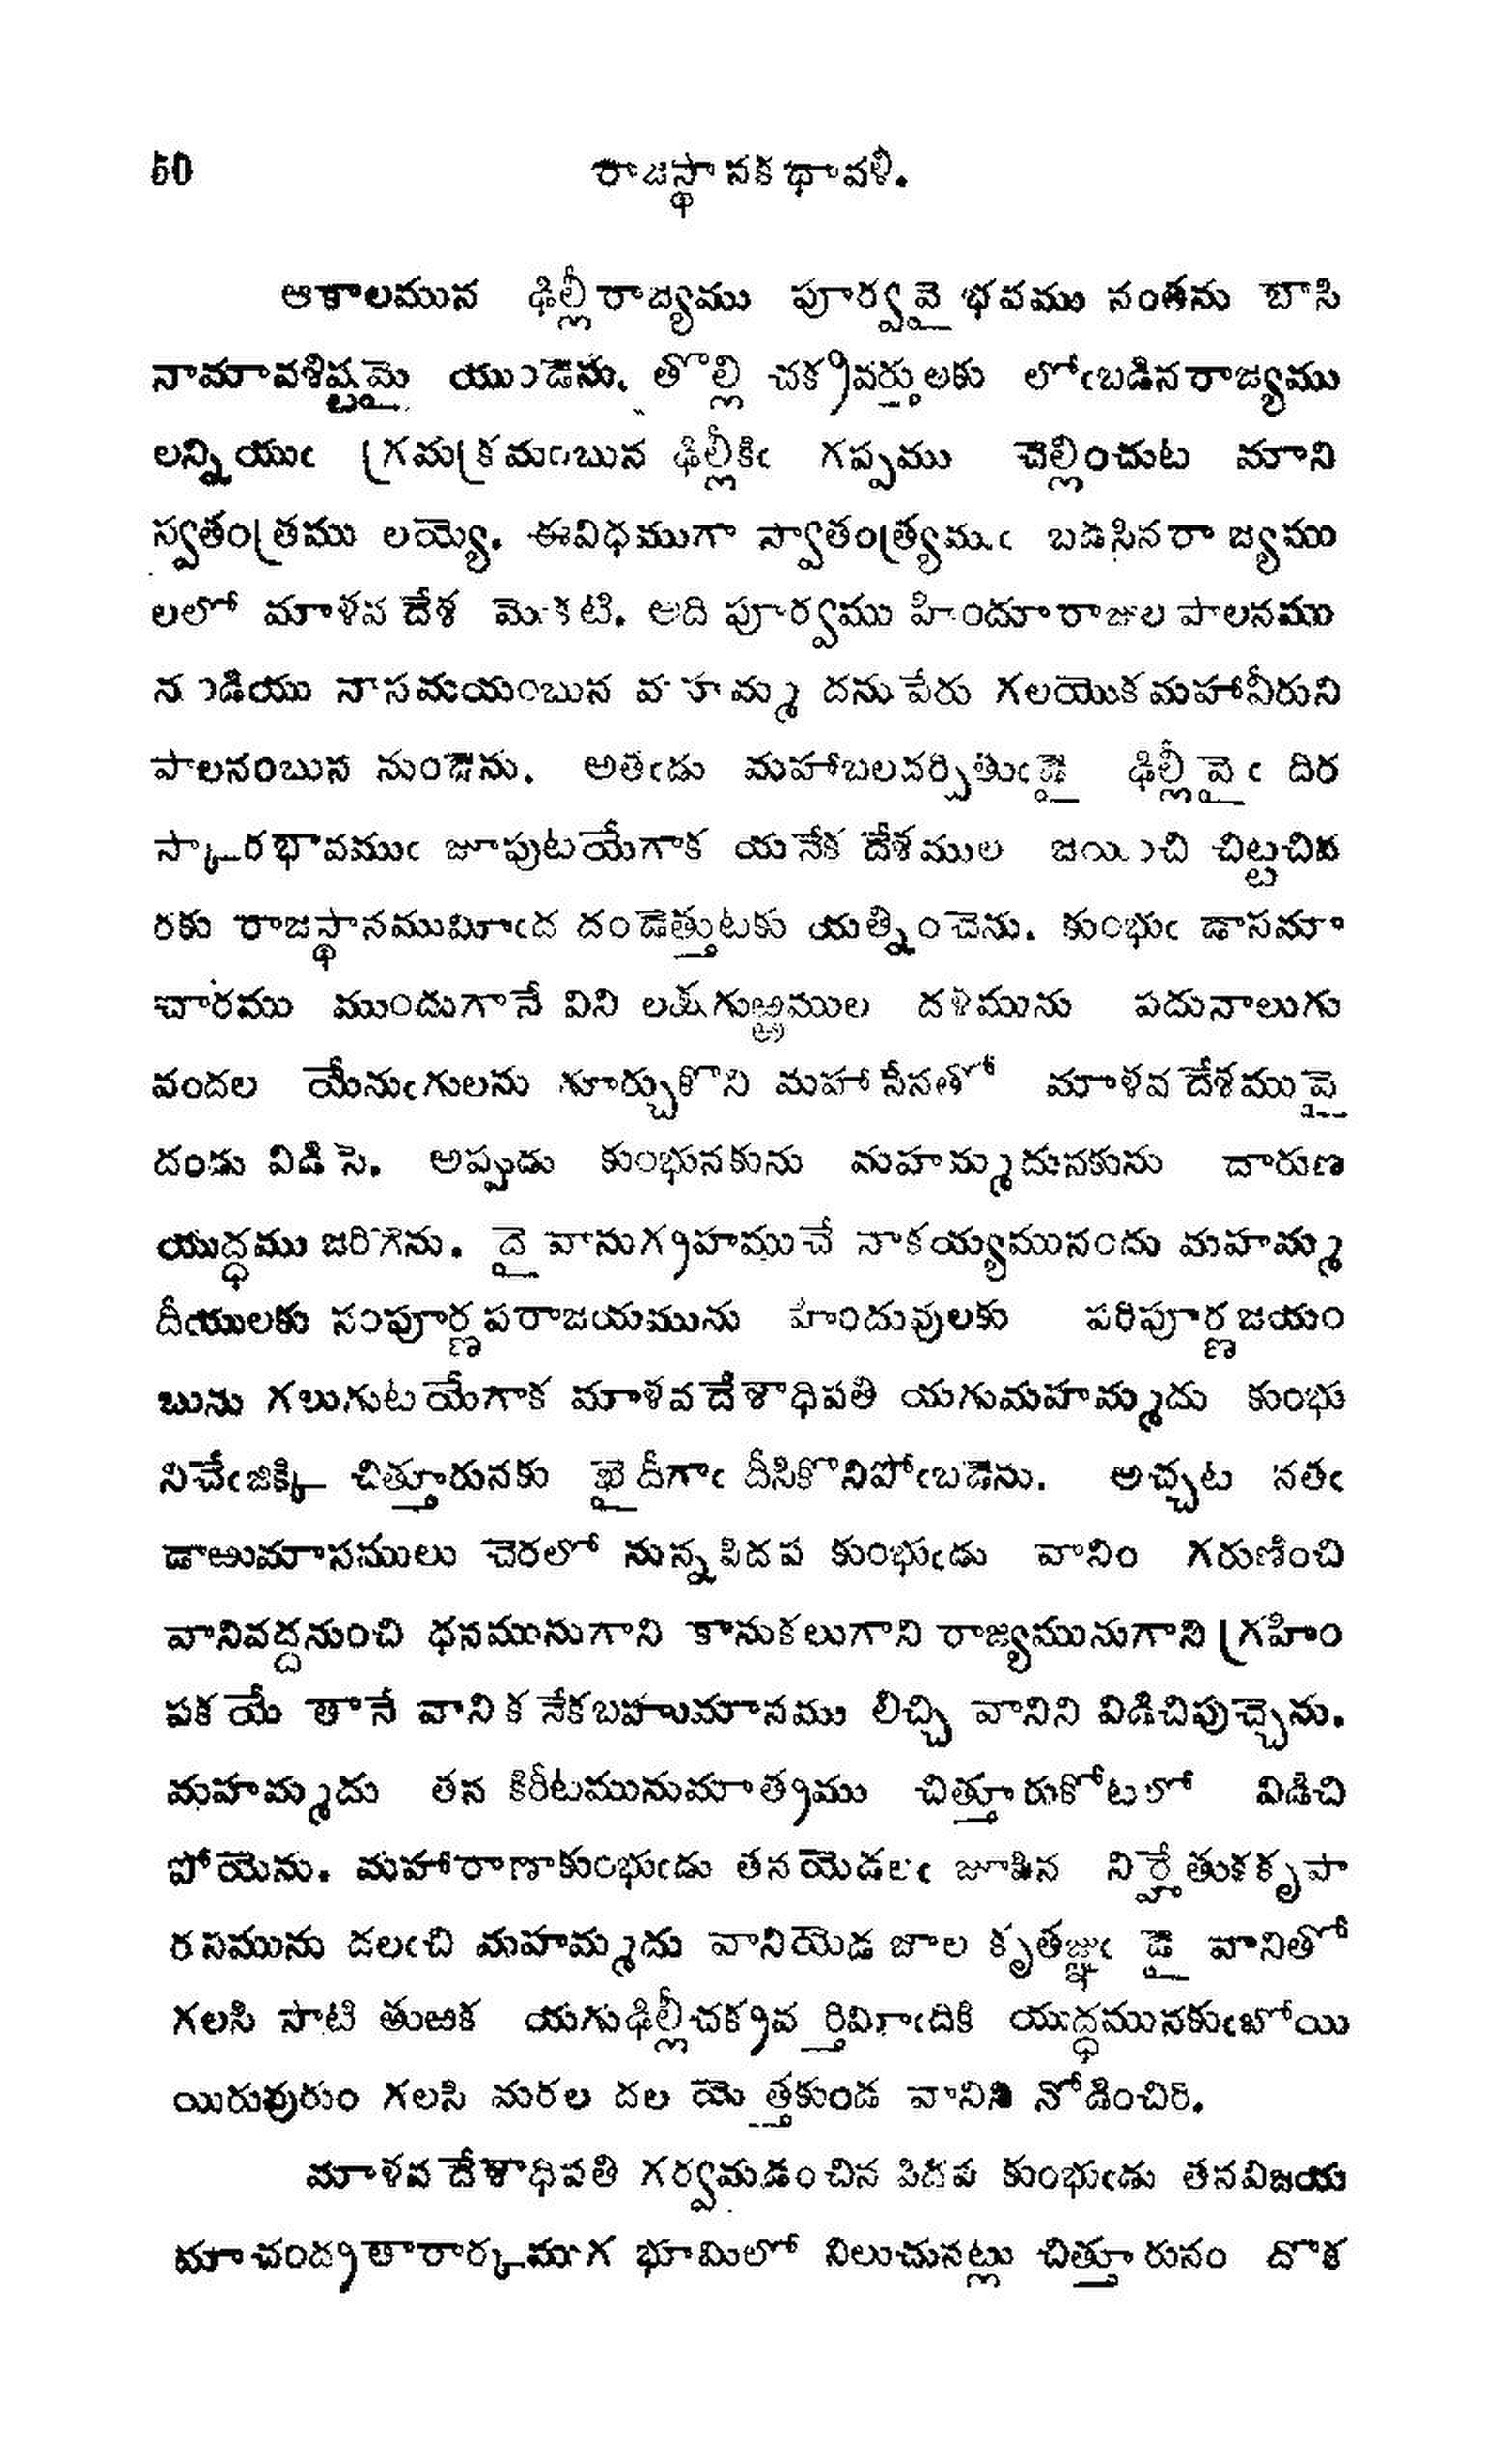ఆకాలమున ఢిల్లీ రాజ్యము పూర్వవైభవము నంతను బాసినామావశిష్టమై యుండెను, తొల్లి చక్రవర్తులకు లోఁబడిన రాజ్యము
లన్నియుఁ గ్రమక్రమంబున ఢిల్లీకిఁ గప్పము చెల్లించుట మాని స్వతంత్రము లయ్యె. ఈ విధముగా స్వాతంత్య్రముఁ బడిసిన రాజ్యము
లలో మాళవదేశ మోకటి. అది పూర్వము హిందూ రాజుల పాలనము నుండియు నాసమయంబున మహమ్మ దను పేరు గలయొక మహావీరుని పాలనంబున నుండెను. అతఁడు మహాబలదర్పితుండై ఢిల్లీపైఁ దిరస్కార భావముఁ జూపుటయేగాక యనేక దేశముల జయించి చిట్టచివరకు రాజస్థానముమీఁద దండెత్తుటకు యత్నించెను. కుంభుఁ డాసచాచారము ముందుగానే విని లక్ష గుఱ్ఱముల దళమును పదునాలుగువందల యేనుఁగులను గూర్చుకొని మహా సేనతో మాళవ దేశముపై దండు విడిసె. అప్పుడు కుంభునకును మహమ్మదునకును దారుణ
యుద్ధము జరిగెను. దైవానుగ్రహము చే నాకయ్యమునందు మహమ్మదీయులకు సంపూర్ణ పరాజయమును హిందువులకు పరిపూర్ణజయం
బును గలుగుటయేగాక మాళవ దేశాధిపతి యగుమహమ్మదు కుంభునిచేఁ జిక్కి చిత్తూరునకు ఖైదీగాఁ దీసికొనిపోఁబడెను. అచ్చట నతఁ
డాఱుమాసములు చెరలో నున్న పిదప కుంభుఁడు వానిం గరుణించి వానివద్దనుంచి ధనమునుగాని కానుకలుగాని రాజ్యమునుగాని గ్రహిం
పకయే తానే వానికనేక బహుమానము లిచ్చి వానిని విడిచిపుచ్చెను. మహమ్మదు తన కిరీటమునుమాత్రము చిత్తూరుకోటలో విడిచి
పోయేను. మహారాణాకుంభుఁడు తన యెడలఁ జూపిన నిర్హేతుక కృపారసమును దలఁచి మహమ్మదు వానియెడజాల కృతజ్ఞుఁ డై
వానితో గలసి సాటి తుఱక యగుఢిల్లీ చక్రవ ర్తిమీఁదికి యుద్ధమునకుఁబోయి యిరువురుం గలసి మరల దల యెత్తకుండ వానిని నోడించిరి.

మాళవ దేశాధిపతి గర్వమడంచిన పిదప కుంభుఁడు తన విజయ మా చంద్ర తారార్కముగ భూమిలో నిలుచునట్లు చిత్తూరునం దొక